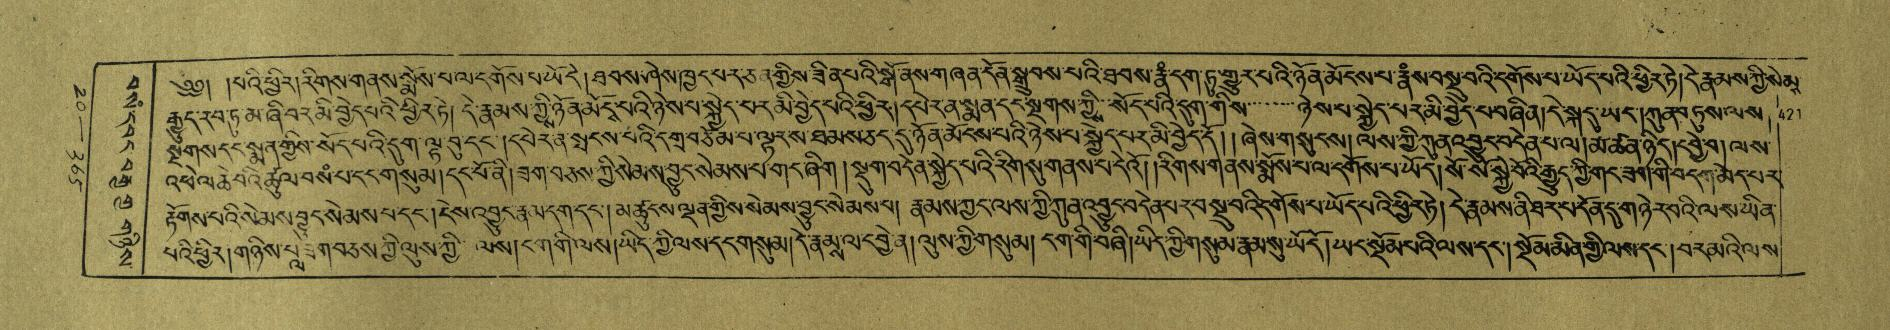༄༅། །པའི་ཕྱིར། རིགས་གནས་སྨོས་པ་ལ་དགོས་པ་ཡོདེ། ཐབས་ཤེས་ཁྱད་པར་ཅན་གྱིས་ཟིན་པའི་སྒོ་ནས་གཞན་དོན་སྒྲུབས་པའི་ཐབས་རྣཾ་དག་ཏུ་གྱུར་པའི་ཉོན་མོངས་པ་རྣཾས་བསྡུ་བའི་དགོས་པ་ཡོད་པའི་ཕྱིར་ཏེ། དེ་རྣམས་ཀྱི་སེམས་
རྒྱུད་རབ་ཏུ་མ་ཞི་བར་མི་བྱེད་པའི་ཕྱིར་ཏེ། དེ་རྣམས་ཀྱིས་ཉོན་མོངས་པའི་ཉེས་པ་སྐྱེད་པར་མི་བྱེད་པའི་ཕྱིར། དཔེར་ན་སྨན་དང་སྔགས་ཀྱིས་སོད་པའི་དུག་གིས་ཉེས་པ་སྐྱེད་པར་མི་བྱེད་པ་བཞིན། དེ་སྐད་དུ་ཡང་། ཀུན་བཏུས་ལས།
སྔགས་དང་སྨན་གྱིས་སོད་པའི་དུག་ལྟ་བུ་དང་། དཔེར་ན་སྤངས་པའི་དགྲ་བཅོམ་པ་ལྟར་ས་ཐམས་ཅད་དུ་ཉོན་མོངས་པའི་ཉེས་པ་སྐྱེད་པར་མི་བྱེད་དོ། །ཞེས་གསུངས། ལས་ཀྱི་ཀུན་འབྱུང་བདེན་པ་ལ། མཚན་ཉིད། དབྱེ་བ། ལས་
འཕེལ་ཆེ་བའི་ཚུལ་བསཾ་པ་དང་གསུམ། དང་པོ་ནི། ཟག་བཅས་ཀྱི་སེམས་བྱུང་སེམས་པ་གང་ཞིག། སྡུག་བདེན་སྐྱེད་པའི་རིགསུ་གནས་པ་དེའོ། །རིགས་གནས་སྨོས་པ་ལ་དགོས་པ་ཡོད། སོ་སོ་སྐྱེ་བོའི་རྒྱུད་ཀྱི་གང་ཟག་གི་བདག་མེད་པར་
རྟོགས་པའི་སེམས་བྱུང་སེམས་པ་དང་། ངེས་འབྱུང་རྣམ་དག་དང་། མཚུངས་ལྡན་གྱིས་སེམས་བྱུང་སེམས་པ། རྣམས་ཀྱང་ལས་ཀྱི་ཀུན་འབྱུང་བདེན་པར་བསྡུ་བའི་དགོས་པ་ཡོད་པའི་ཕྱིར་ཏེ། དེ་རྣམས་ནི་ཐར་པ་དོན་དུ་གཉེར་བའི་ལས་ཡིན་
པའི་ཕྱིར། གཉིས་པ་ལ་ཟག་བཅས་ཀྱི་ལུས་ཀྱི་ལས། ངག་གི་ལས། ཡིད་ཀྱི་ལས་དང་གསུམ། དེ་རྣམས་ལ་དབྱེ་ན། ལུས་ཀྱི་གསུམ། ངག་གི་བཞི། ཡིད་ཀྱི་གསུམ་རྣམ་སུ་ཡོདོ། ཡང་སྡོམ་པའི་ལས་དང་། སྡོམ་མིན་གྱི་ལས་དང་། བར་མའི་ལས་